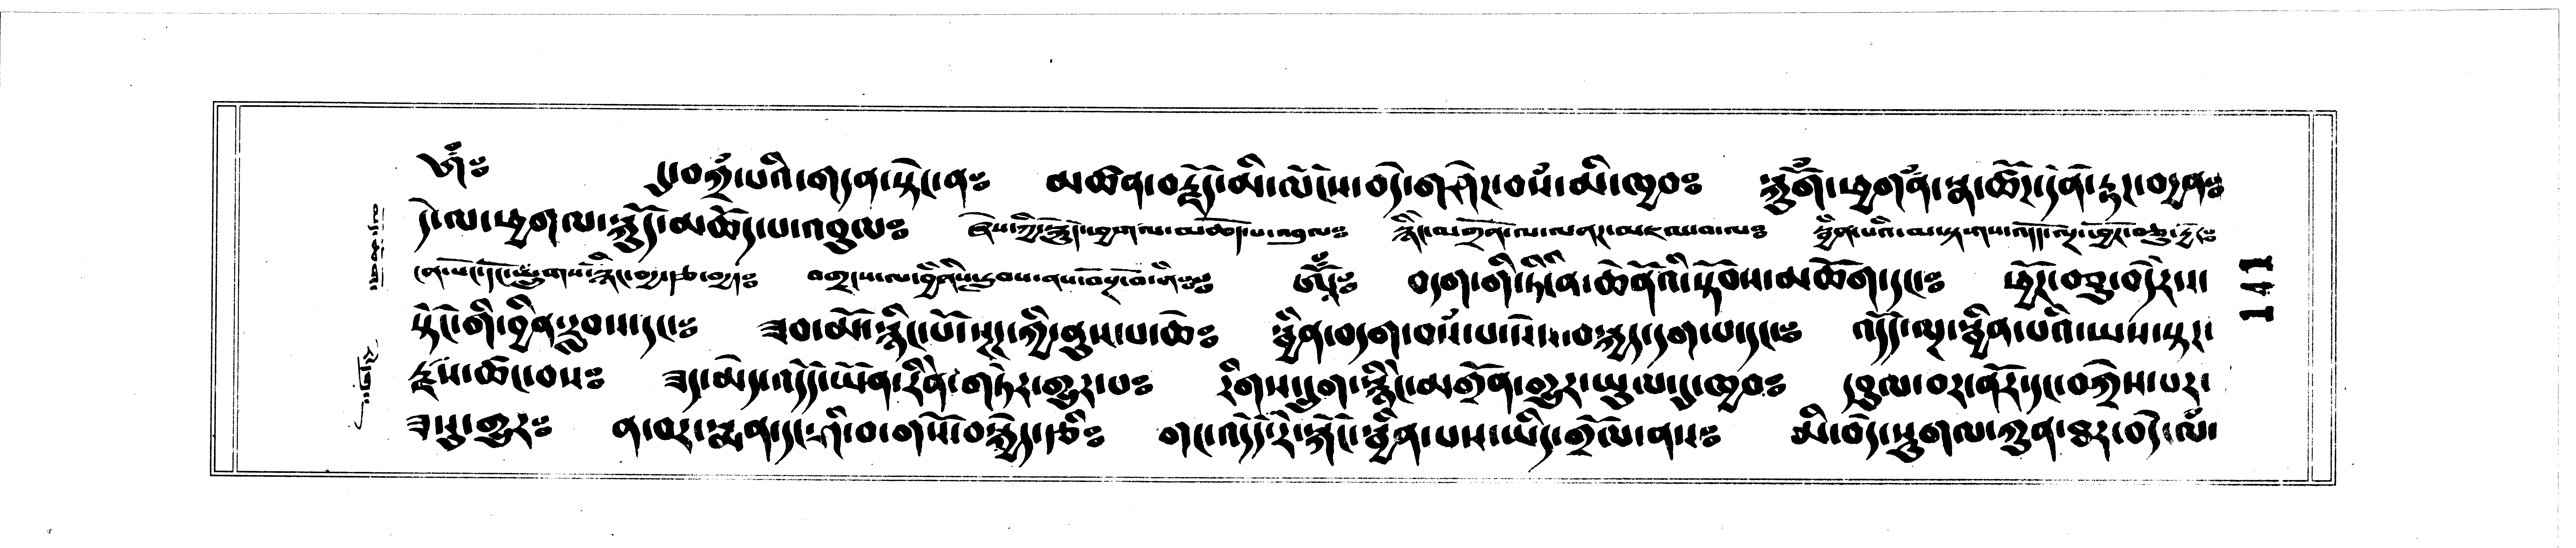དུ་བཀྲམ་པའི་གདན་སྟེང་ནཿ མཚན་བརྗོད་མི་ལང་བདེར་གཤེགས་བསམ་མི་ཁྱབཿ སྐུ་མདོག་ཕྱག་མཚན་སྣ་ཚོགས་དོན་རྟགས་བརྒྱནཿ
 དེ་ལ་ཕྱག་འཚལ་སྐུ་བསྟོད་མཆོད་པ་འབུལཿ ཞེས་ཀྱི་སྐུ་བསྟོད་ཕྱག་འཚལ་མཆོད་པ་འབུལཿ སྙིང་རྗེ་མགྲོན་ལ་ལན་ཆགས་འཇལ་བ་ལཿ སྦྱིན་པའི་མ་སྟགས་འདོད་ལྔ་ཕྱོགས་བཅུ་གཏོརཿ
 ངན་སོང་དོང་སྤྲུག་སྙིང་པོ་བརྒྱ་རྩ་བརྒྱདཿ བགྲང་ལ་བྱིན་གྱིས་བརླབས་ལ་བསྔོ་བ་ནིཿ ཨཱོྃ་བདག་གི་ཏིང་འཛིན་ཆེན་པོའི་སྟོབས་མཆོག་དངཿ ཕྱོགས་བཅུ་བདེར་གཤེགས་
སྟོང་གི་བྱིན་རླབས་དངཿ ཟབ་མོ་སྙིང་པོ་སྔགས་ཀྱི་ནུས་པ་ཆེཿ སྦྱིན་བདག་བསམ་པ་སེམས་བསྐྱེད་དག་པ་དངཿ འདོད་ལྔ་སྦྱིན་པའི་ཡས་སྟགས་
རྫས་ཚང་བསཿ ཟད་མེད་འདོད་ཡོན་རིན་ཆེན་གཏེར་གྱུར་པཿ རིགས་དྲུག་སྙིང་རྗེ་མགྲོན་གྱུར་ཡུལ་དུ་ཁྱབཿ དབུལ་བར་ནོར་དང་བཀྲེས་པར་
ཟས་སུ་གྱུརཿ ན་བར་སྨན་དང་ཤི་བ་གསོ་སྐྱེད་རྩིཿ གང་འདོད་རེ་སྐོང་སྦྱིན་པས་ཡིད་གྲོལ་ནསཿ མི་བདེ་སྡུག་བསྔལ་ཀུན་ཐར་བདེ་ལམ་